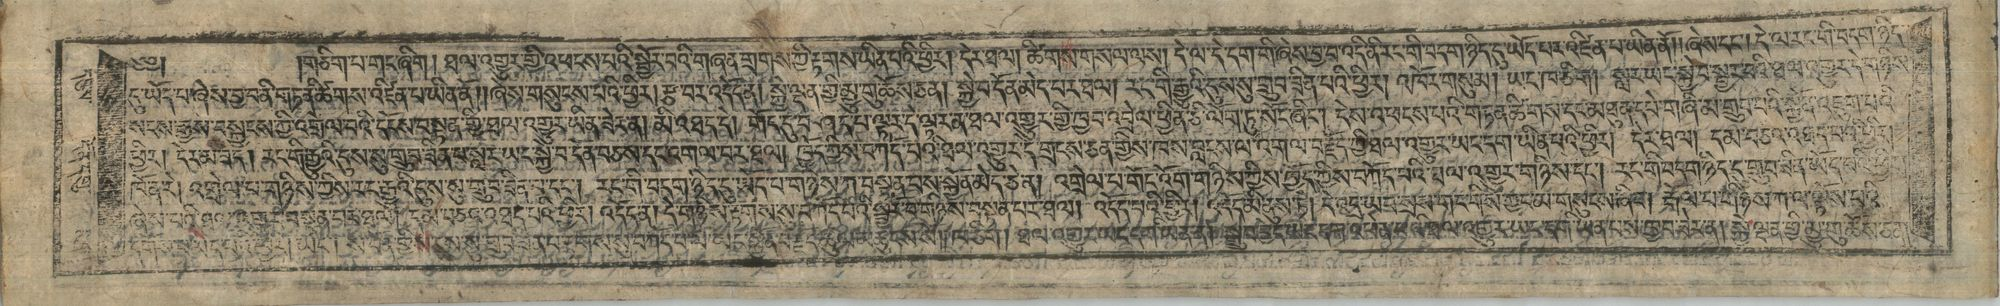༄༅། །གཅིག་པ་གང་ཞིག །ཐལ་འགྱུར་གྱི་འཕངས་པའི་སྦྱོར་བའི་གཞན་གྲགས་ཀྱི་རྟགས་ཡིན་པའི་ཕྱིར། དེར་ཐལ། ཚིག་གསལ་ལས། དེ་ལ་དེ་དག་གི་ཞེས་བྱ་བ་འདི་ནི་རང་གི་བདག་ཉིད་དུ་ཡོད་པར་འཛིན་པ་ཡིན་ནོ། །ཞེས་དང་། དེ་ལ་རང་གི་བདག་ཉིད་
དུ་ཡོད་པ་ཞེས་བྱ་བ་ནི་གཏན་ཚིགས་འཛིན་པ་ཡིན་ནོ། །ཞེས་གསུངས་པའི་ཕྱིར། རྩ་བར་འདོད་ན། སྐྱེ་ལྡན་གྱི་མྱུ་གུ་ཆོས་ཅན། སྐྱེ་བ་དོན་མེད་པར་ཐལ། རང་གི་རྒྱུའི་དུས་སུ་གྲུབ་ཟིན་པའི་ཕྱིར། འཁོར་གསུམ། ཡང་ཁ་ཅིག །སླར་ཡང་སྐྱེ་བ་སྦྱར་བའི་ཐལ་འགྱུར་དེ་གཉིས་
སངས་རྒྱས་བསྐྱངས་ཀྱི་འགྲེལ་བའི་དངོས་བསྟན་གྱི་ཐལ་འགྱུར་ཡིན་ཟེར་ན། མི་འཐད་དེ། གོང་དུ་བཤད་པ་ལྟར་དེ་ལྟར་ན་ཐལ་འགྱུར་གྱི་ཁྱབ་འབྲེལ་ཕྱིན་ཅི་ལོག་ཏུ་སོང་ཞིང་། དེས་འཕངས་པའི་གཏན་ཚིགས་དང་མཐུན་དཔེ་གཞི་མ་གྲུབ་པའི་སྐྱོན་འཇུག་པའི་
ཕྱིར། དེར་མ་ཟད། རང་གི་རྒྱུའི་དུས་སུ་གྲུབ་ཟིན་པ་སླར་ཡང་སྐྱེ་བ་དོན་བཅས་དང་འགལ་བར་ཐལ། ཁྱོད་ཀྱིས་བཀོད་པའི་ཐལ་འགྱུར་དེ་གྲངས་ཅན་གྱིས་ཁས་བླངས་ལ་འགལ་བརྗོད་ཀྱི་ཐལ་འགྱུར་ཡང་དག་ཡིན་པའི་ཕྱིར། དེར་ཐལ། དམ་བཅའ་འཐད་པའི་ཕྱིར།
ཁོ་ན་རེ། འགྲེལ་པ་གཉིས་ཀྱིས་རང་རྒྱུའི་དུས་སུ་གྲུབ་ཟིན་པ་དང་། རང་གི་བདག་ཉིད་དུ་ཡོད་པ་གཉིས་ཀ་བསྟན་པས་སྐྱོན་མེད་ཅེ་ན། འགྲེལ་པ་གོང་འོག་གཉིས་ཀྱིས་ཁྱོད་ཀྱིས་བཀོད་པའི་ཐལ་འགྱུར་གཉིས་དང་། རང་གི་བདག་ཉིད་དུ་གྲུབ་ཟིན་ཡོད་པའི་ཕྱིར་
ཞེས་པའི་ཐལ་འགྱུར་བསྟན་པར་ཐལ། དམ་བཅའ་འཐད་པའི་ཕྱིར། འདོད་ན། དེ་གཉིས་རྟགས་སུ་བཀོད་པའི་སྦྱོར་བ་གཉིས་བསྟན་པར་ཐལ། འདོད་པའི་ཕྱིར། འདོད་མི་ནུས་ཏེ། དེ་འདྲ་ཡབ་སྲས་གང་གིས་ཀྱང་མ་གསུངས་ཞིང་། རྒོལ་པ་གཉིས་ཀ་ལ་ལྟོས་པའི་
དགོས་པ་མེད་པའི་ཕྱིར། ཡང་། ས་བོན་གྱི་དུས་སུ་གྲུབ་ཟིན་པ་རྟགས་སུ་བཀོད་པ་ལ་ཡང་སྐྱོན་བརྗོད་ཚུལ་མཚུངས་སོ། །ཁ་ཅིག །ཐལ་འགྱུར་ཡང་དག་ཡིན་ན། སྒྲུབ་བྱེད་ཡང་དག་འཕེན་པའི་ཐལ་འགྱུར་ཡང་དག་ཡིན་པས་ཁྱབ་ཟེར་ན། སྐྱེ་ལྡན་གྱི་མྱུ་གུ་ཆོས་ཅན།